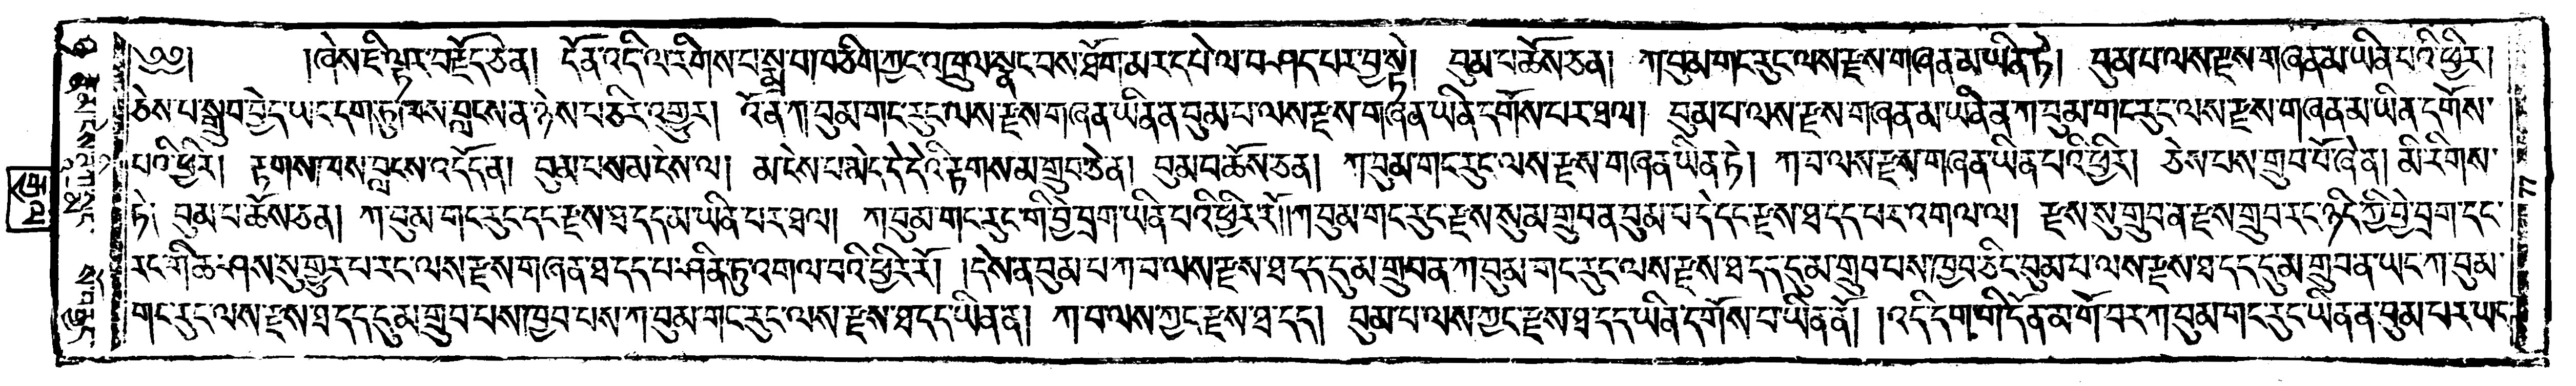༄༅། །ཞེས་ཇི་ལྟར་བརྗོད་ཅེ་ན། དོན་འདི་ལ་རིགས་པ་སྨྲ་བ་ཁ་ཅིག་ཀྱང་འཁྲུལ་སྣང་བས་ཐོག་མར་དཔེ་ལ་བཤད་པར་བྱ་སྟེ། བུམ་པ་ཆོས་ཅན། ཀ་བུམ་གང་རུང་ལས་རྫས་གཞན་མ་ཡིན་ཏེ། བུམ་པ་ལས་རྫས་གཞན་མ་ཡིན་པའི་ཕྱིར།
ཅེས་པ་སྒྲུབ་བྱེད་ཡང་དག་ཏུ་ཁས་བླངས་ན་ཉེས་པ་ཅིར་འགྱུར། འོ་ན་ཀ་བུམ་གང་རུང་ལས་རྫས་གཞན་ཡིན་ན་བུམ་པ་ལས་རྫས་གཞན་ཡིན་དགོས་པར་ཐལ། བུམ་པ་ལས་རྫས་གཞན་མ་ཡིན་ན་ཀ་བུམ་གང་རུང་ལས་རྫས་གཞན་མ་ཡིན་དགོས་
པའི་ཕྱིར། རྟགས་ཁས་བླངས་འདོད་ན། བུམ་པས་མ་ངེས་ལ། མ་ངེས་པ་མེད་དེ་དེའི་རྟགས་མ་གྲུབ་ཅེ་ན། བུམ་བ་ཆོས་ཅན། ཀ་བུམ་གང་རུང་ལས་རྫས་གཞན་ཡིན་ཏེ། ཀ་བ་ལས་རྫས་གཞན་ཡིན་པའི་ཕྱིར། ཅེས་པས་གྲུབ་བོ་ཞེ་ན། མི་རིགས་
ཏེ༑ བུམ་པ་ཆོས་ཅན། ཀ་བུམ་གང་རུང་དང་རྫས་ཐ་དད་མ་ཡིན་པར་ཐལ། ཀ་བུམ་གང་རུང་གི་བྱེ་བྲག་ཡིན་པའི་ཕྱིར་རོ། །ཀ་བུམ་གང་རུང་རྫས་སུམ་གྲུབ་ན་བུམ་པ་དེ་དང་རྫས་ཐ་དད་པར་འགལ་ལ། རྫས་སུ་གྲུབ་ན་རྫས་གྲུབ་རང་ཉིད་ཀྱི་བྱེ་བྲག་དང་
རང་གི་ཆ་ཤས་སུ་གྱུར་པ་རང་ལས་རྫས་གཞན་ཐ་དད་པ་ཤིན་ཏུ་འགལ་བའི་ཕྱིར་རོ། །དེས་ན་བུམ་པ་ཀ་བ་ལས་རྫས་ཐ་དད་དུ་མ་གྲུབ་ན་ཀ་བུམ་གང་རུང་ལས་རྫས་ཐ་དད་དུ་མ་གྲུབ་པས་ཁྱབ་ཅིང་བུམ་པ་ལས་རྫས་ཐ་དད་དུ་མ་གྲུབ་ན་ཡང་ཀ་བུམ་
གང་རུང་ལས་རྫས་ཐ་དད་དུ་མ་གྲུབ་པས་ཁྱབ་པས་ཀ་བུམ་གང་རུང་ལས་རྫས་ཐ་དད་ཡིན་ན། ཀ་བ་ལས་ཀྱང་རྫས་ཐ་དད། བུམ་པ་ལས་ཀྱང་རྫས་ཐ་དད་ཡིན་དགོས་པ་ཡིན་ནོ། །འདི་དག་གི་དོན་མགོ་བར་ཀ་བུམ་གང་རུང་ཡིན་ན་བུམ་པར་ཡང་